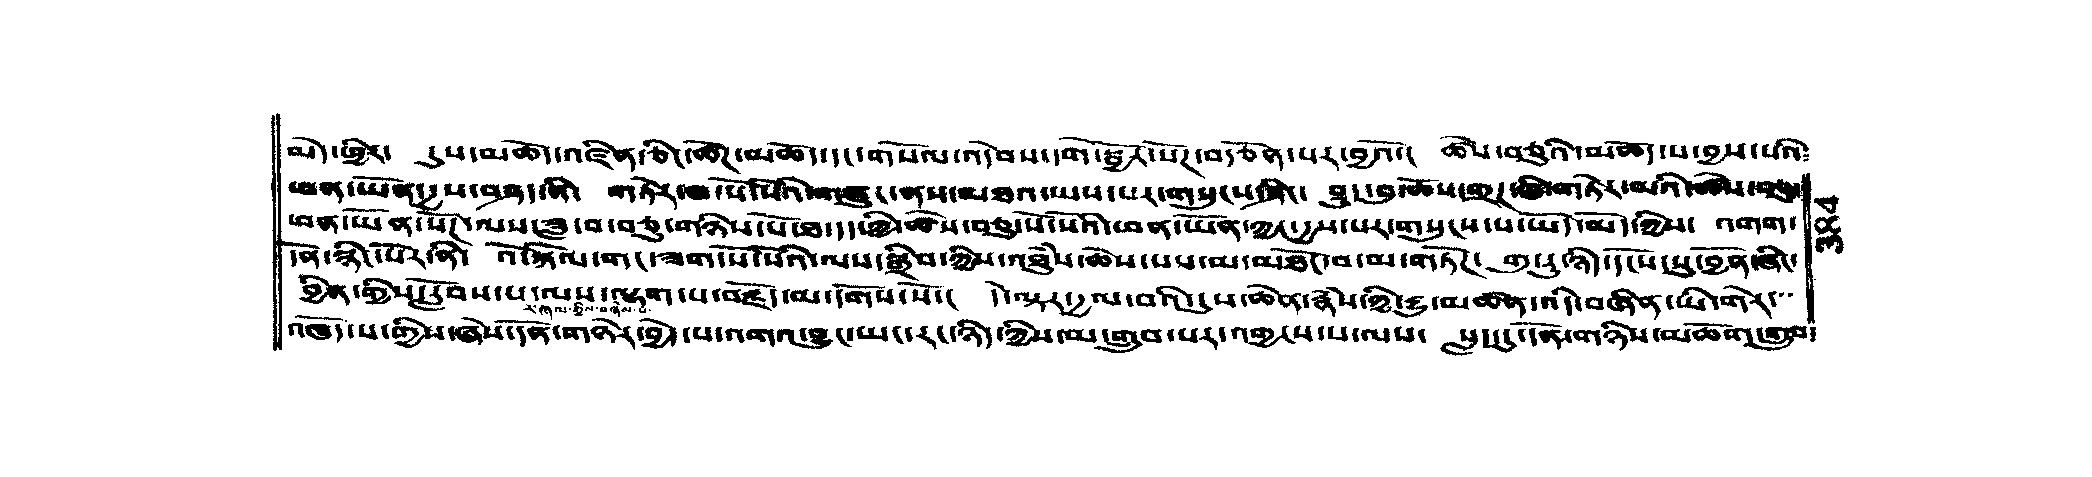མེད་ཕྱིར། དུས་མཆོད་འཛིན་ཅིང་ཚོགས་མཆོད་དང་གསོལ་འདེབས་དགེ་སྦྱོར་སོགས་བརྩོན་པར་བྱའོ། ཚེས་བཅུའི་མཆོད་པ་བྱས་པའི་
ཕན་ཡོན་རྒྱས་བཤད་ནི། གཏེར་ཁ་སོ་སོའི་གཞུང་ནས་མཐའ་ཡས་པར་གསུངས་ཤིང་། ཤུད་བུ་ཆོས་གྲགས་ཀྱི་གཏེར་མའི་ཚེས་བཅུ་
ཕན་ཡོན་སོགས་ལས་ཟླ་བ་བཅུ་གཉིས་པོ་ཐ་དད་ཀྱི་ཚེས་བཅུ་སོ་སོའི་ཕན་ཡོན་ཀྱང་རྒྱས་པར་གསུངས་པ་ཡོད་མོད་ཀྱིས། འགག་
དོན་སྙིང་པོར་ནི། འོ་སྐོལ་གང་ཟག་སོ་སོའི་ལས་སྒྲིབ་ཀྱིས་འཐུམས་ཆེས་པས་མ་མཐོང་བ་མ་གཏོགས། གུ་རུ་ཉིད་དངོས་སུ་བྱོན་ཞིང་
བྱིན་གྱིས་རློབས་པར་ཞལ་གྱིས་བཞེས་པ་ལས་ལྷག་པ་བརྗོད་མ་དགོས་སོ།། དེ་ལྟར་རྒྱལ་བའི་དུས་ཆེན་རྣམས་ཀྱི་རྒྱུ་མཚན་འདི་བཞིན་ཡི་གེར་
འཁོད་པ་གྱིས་ཞེས་དོན་གཉེར་བྱེད་པ་འགའ་བྱུང་ཡང་རང་ཉིད་ཀྱིས་མ་གྲུབ་པར་འགྱངས་པ་ལས། སླད་དུ་དོན་གཉིས་མཆོག་གྲུབ་